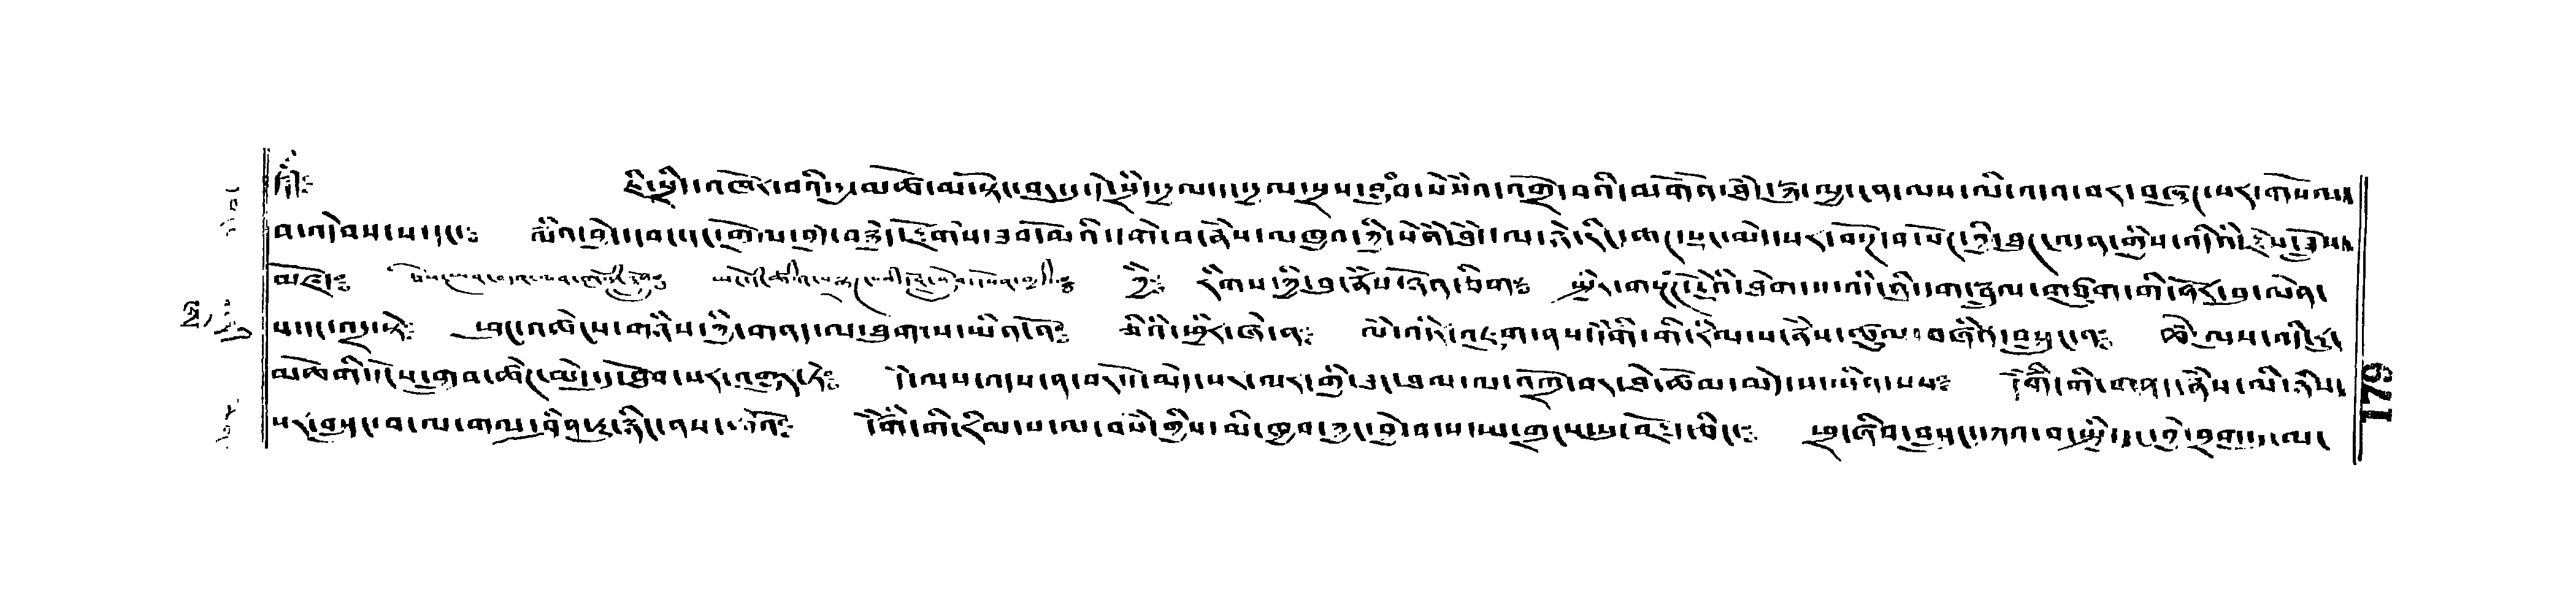ཇི་སྲིད་འཁོར་བའི་རྒྱ་མཚོ་མ་སྟོང་བར་དུ་དེ་སྲིད་རྒྱལ་དང་རྒྱལ་སྲས་བྱང་ཆུབ་སེམས་དཔའ་འགྲོ་བའི་མགོན་པོ་ཐམས་ཅད་སྐུ་མྱ་ངན་ལས་མི་འདའ་བར་བཞུགས་པར་གསོལ་
བ་འདེབས་པ་དང༔ སྨིན་བྱེད་དབང་དང་གྲོལ་བྱེད་བསྐྱེད་རྫོགས་ཟབ་མོའི་དགེ་བ་རྣམས་མཁའ་ཁྱབ་ཀྱི་སེམས་ཅན་ཐམས་ཅད་ལ་ཉེ་རིང་ཆགས་སྡང་མེད་པར་བསྔོ་བ་སོགས་ཀྱི་ཐུགས་འདུན་གྱིས་འདིའི་རྗེས་ཟློས་
མཛོད༔ ཅེས་ཡན་ལག་བདུན་ལན་གསུམ་ཟློས༔ ཡང་དམ་ཚིག་བསྒྲག་པའི་དོན་སློབ་དཔོན་གྱིས༔ ཀྱཻ༔ རིགས་ཀྱི་བུ་རྣམས་ཉོན་ཅིག༔ སྤྱིར་གསང་སྔགས་རྡོ་རྗེའི་ཐེག་པ་འདི་ནི་དུག་སྦྲུལ་གཙུག་གི་ནོར་བུ་ལེན་
པ་དང་འདྲ་སྟེ༔ ཕུང་འཚེངས་གཉིས་ཀྱི་གནད་ལ་ཐུག་པ་ཡིན་ནོ༔ ཅིའི་ཕྱིར་ཞེ་ན༔ ལམ་འདིར་འཇུག་ནས་དམ་ཚིག་གི་རིམ་པ་རྣམས་ཚུལ་བཞིན་བསྲུངས་ན༔ ཚེ་ལུས་འདི་རུ་
མཆོག་གི་དངོས་གྲུབ་ཚེགས་མེད་དུ་ཐོབ་པར་འགྱུར་ཏེ༔ དམ་ལས་འདས་ན་བར་དོ་མེད་པར་མར་གྱི་ཟང་ཐལ་ལ་འགྲོ་བར་ཐེ་ཚོམ་མེད་པ་ཡིན་པས༔ དམ་ཚིག་གི་གནད་རྣམས་མི་ཉམས་
པར་བསྲུང་བ་གལ་ཤིན་ཏུ་ནས་ཆེའོ༔དམ་ཚིག་གི་རིམ་པ་ལ་བསམ་གྱིས་མི་ཁྱབ་ཀྱང་བྱེ་བ་ས་ཡ་གྲངས་སུ་བརྗོད་ཅིང༔ ཕྲ་ཞིབ་བསྲུང་དཀའ་བ་སྤྱི་དང་བྱེ་བྲག་དུ་མ་